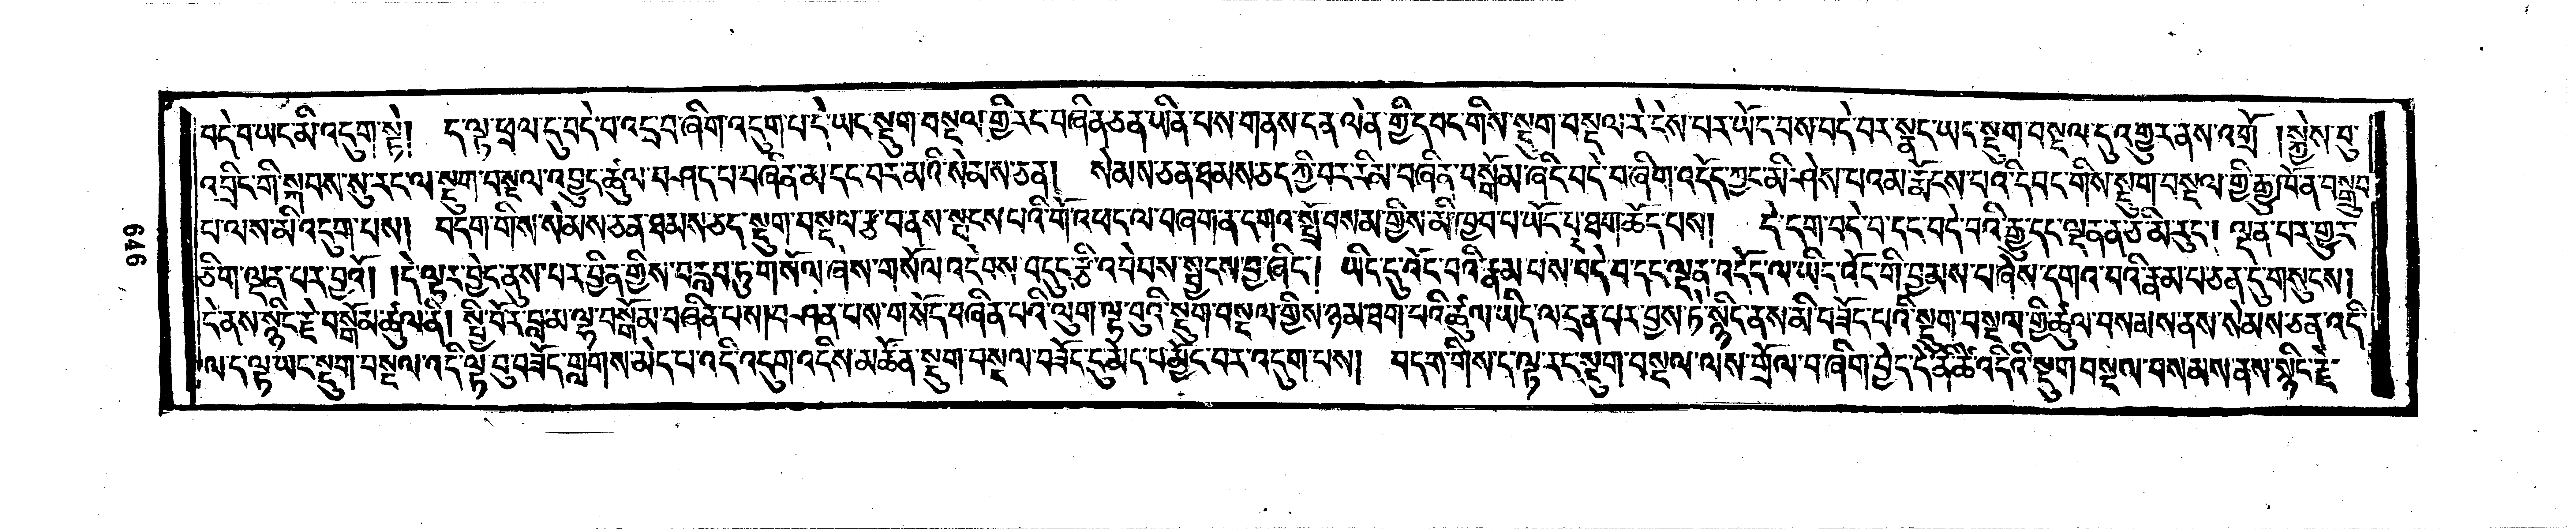བདེ་བ་ཡང་མི་འདུག་སྟེ། ད་ལྟ་ཕྲལ་དུ་བདེ་བ་འདྲ་བ་ཞིག་འདུག་པ་དེ་ཡང་སྡུག་བསྔལ་གྱི་རང་བཞིན་ཅན་ཡིན་པས་གནས་ངན་ལེན་གྱི་དབང་གིས་སྡུག་བསྔལ་རེ་ངེས་པར་ཡོད་པས་བདེ་བར་སྣང་ཡང་སྡུག་བསྔལ་དུ་འགྱུར་ནས་འགྲོ་།སྐྱེས་བུ་
འབྲིང་གི་སྐབས་སུ་རང་ལ་སྡུག་བསྔལ་འབྱུང་ཚུལ་བཤད་པ་བཞིན་མ་དང་བར་མའི་སེམས་ཅན། སེམས་ཅན་ཐམས་ཅད་ཀྱི་བར་རིམ་བཞིན་བསྒོམ་ཞིང་བདེ་བ་ཞིག་འདོད་ཀྱང་མི་ཤེས་པའམ་རྨོངས་པའི་དབང་གིས་སྡུག་བསྔལ་གྱི་རྒྱུ་ཁོ་ན་བསྒྲུབ་
པ་ལས་མི་འདུག་པས། བདག་གིས་སེམས་ཅན་ཐམས་ཅད་སྡུག་བསྔལ་རྩ་བ་ནས་སྤངས་པའི་གོ་འཕངས་ལ་བཞག་ན་དགའ་སྤྲོ་བསམ་གྱིས་མི་ཁྱབ་པ་ཡོང་པར་ཐག་ཆོད་པས། དེ་དག་བདེ་བ་དང་བདེ་བའི་རྒྱུ་དང་ལྡན་ན་ཅ་མི་རུང་། ལྡན་པར་གྱུར་
ཅིག་ལྡན་པར་བྱའོ། །དེ་ལྟར་བྱེད་ནུས་པར་བྱིན་གྱིས་བརླབ་ཏུ་གསོལ་ཞེས་གསོལ་འདེབས་བདུད་རྩི་འབེབས་སྦྱངས་བྱ་ཞིང་། ཡིད་དུ་འོང་བའི་རྣམ་པས་བདེ་བ་དང་ལྡན་འདོད་ལ་ཡིད་འོང་གི་བྱམས་པ་ཞེས་དགའ་བའི་རྣམ་པ་ཅན་དུ་གསུངས།
དེ་ནས་སྙིང་རྗེ་བསྒོམ་ཚུལ་ནི། སྤྱི་བོར་བླ་མ་ལྷ་བསྒོམ་བཞིན་པས། བཤན་པས་གསོད་བ་བཞིན་པའི་ལུག་ལྟ་བུའི་སྡུག་བསྔལ་གྱིས་ཉམ་ཐག་པའི་ཚུལ་ཡིད་ལ་དྲན་པར་བྱས་ཏེ་སྙིང་ནས་མི་བཟོད་པའི་སྡུག་བསྔལ་གྱི་ཚུལ་བསམས་ནས་སེམས་ཅན་འདི་
ལ་ད་ལྟ་ཡང་སྡུག་བསྔལ་འདི་ལྟ་བུ་བཟོད་གླགས་མེད་པ་འདི་འདུག་འདིས་མཚོན་སྡུག་བསྔལ་བཟོང་དུ་མེད་པ་མྱོང་བར་འདུག་པས། བདག་གིས་ད་ལྟ་རང་སྡུག་བསྔལ་ལས་གྲོལ་བ་ཞིག་བྱེད་དེ་ནི་ཚེ་འདིའི་སྡུག་བསྔལ་བསམས་ནས་སྙིང་རྗེ་